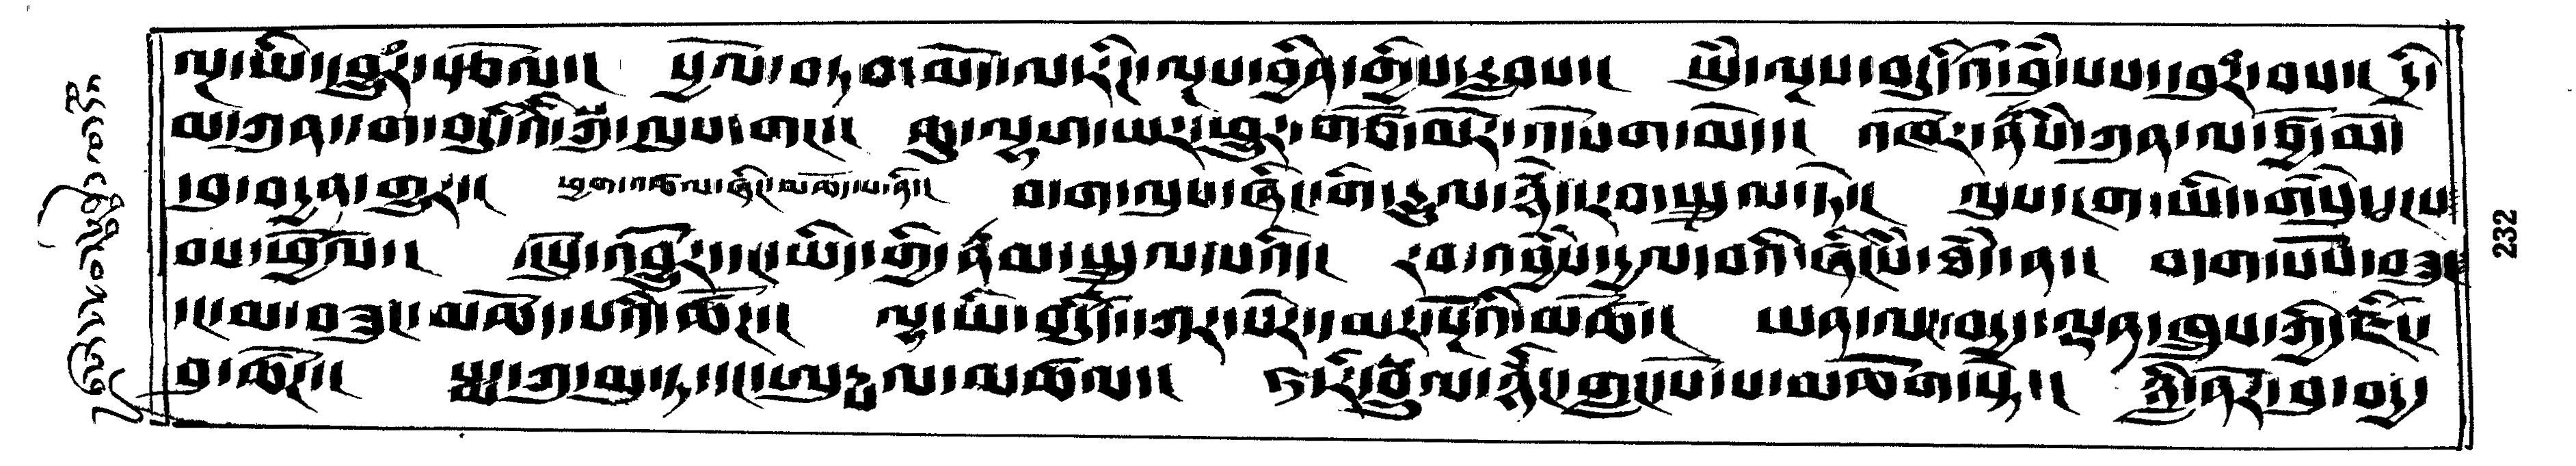ལྔ་ཡི་དབང་བསྐུར་སྩོལ། །གསོལ་བཏབ་མོད་ལ་རིགས་ལྔས་བྱིན་གྱིས་རླབས། །ཡུམ་ལྔས་བདུད་རྩིའི་བུམ་པས་དབང་བསྐུར་བས། །དྲི་
མ་ཀུན་དག་བདུད་རྩིའི་སྐུ་ལུས་གང་། །ཆུ་ལྷག་ཡར་ཕྱུར་གཙོ་མོར་འོད་དཔག་མེད། །འཁོར་རྣམས་ཀུན་ལ་གཙོ་མོས་
དབུ་བརྒྱན་གྱུར། །ཕྱག་འཚལ་ཞིང་མཆོད་པ་ནི། བདག་ལུས་ཞིང་གི་རྡུལ་སྙེད་རབ་སྤྲུལ་ཏེ། །ལུས་ངག་ཡིད་གསུམ་དང་
བས་ཕྱག་འཚལ་ལོ། །དངོས་སུ་འབྱོར་དང་ཡིད་ཀྱི་རྣམ་སྤྲུལ་པའི། །རབ་འབྱམས་རྒྱལ་བའི་ཞིང་ཁམས་ཐམས་ཅད་ན། །བདག་པོས་བཟུང་
དང་མ་བཟུང་མཆོད་པའི་ཚོགས། །ལྷ་ཡི་བདུད་རྩི་དཀར་སེར་དམར་སྔོའི་མཚོ། །ཡན་ལག་བརྒྱད་ལྡན་ཁྲུས་ཀྱི་རྫིང་
བུ་ཚོགས། །པདྨ་ཀུ་མུ་ཏ་དང་ཨུཏྤལ་མཚལ། །ཧ་རི་སྦྲུལ་སྙིང་གླང་པོ་ས་མཆོག་སྟེ། །ཉི་ཟླ་ནོར་བུ་བརྒྱ་